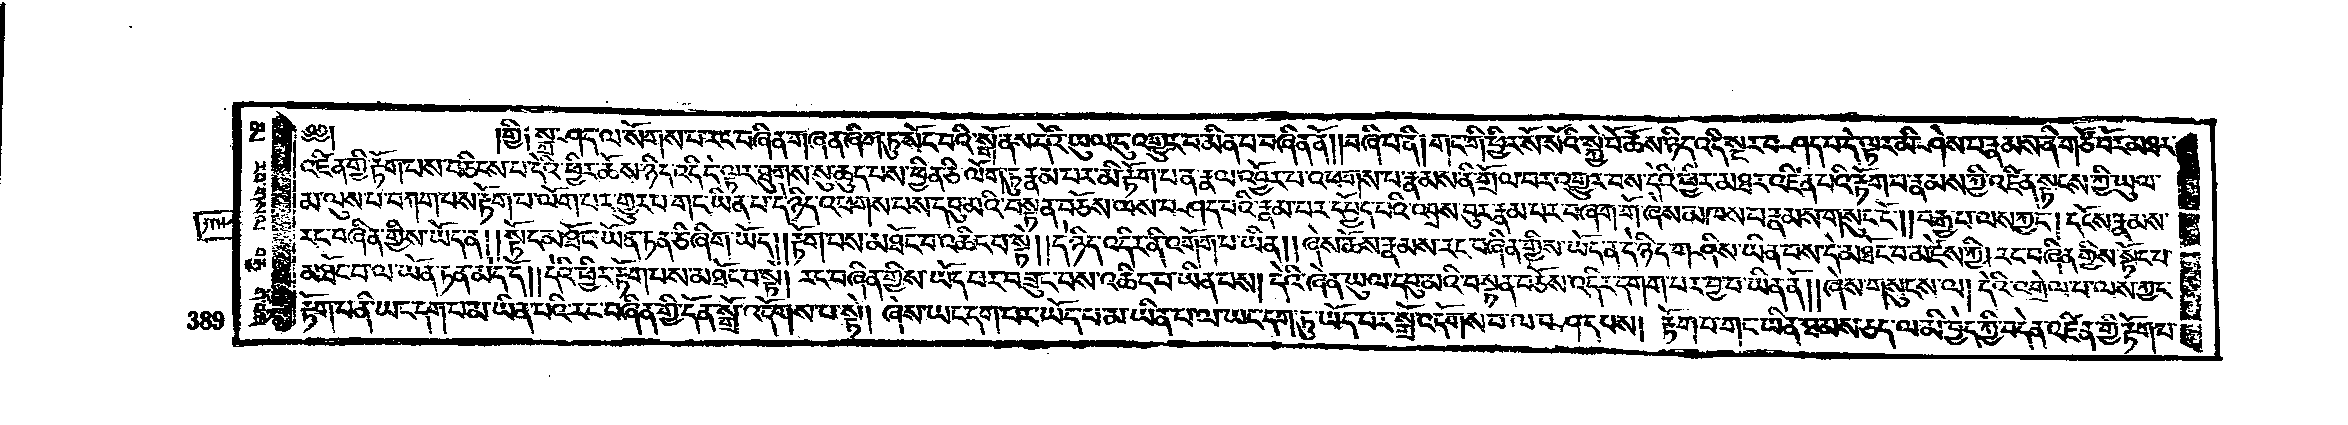༄༅། །གྱི། སྐྲ་ཤད་ལ་སོགས་པ་རང་བཞིན་གཞན་ཞིག་ཏུ་སོང་བའི་སྒོ་ནས་དེའི་ཡུལ་དུ་འགྱུར་བ་མིན་པ་བཞིན་ནོ། །བཞིན་པ་ནི། གང་གི་ཕྱིར་སོ་སོའི་སྐྱེ་བོ་ཆོས་ཉིད་འདི་སྔར་བཤད་པ་དེ་ལྟར་མི་ཤེས་པ་རྣམས་ནི་གཙོ་བོར་མཐར་
འཛིན་གྱི་རྟོག་པས་བཅིངས་པ་དེའི་ཕྱིར་ཆོས་ཉིད་འདི་དེ་ལྟར་ཐུགས་སུ་ཆུད་པས་ཕྱིན་ཅི་ལོག་ཏུ་རྣམ་པར་མི་རྟོག་པ་ན་རྣལ་འབྱོར་པ་འཕགས་པ་རྣམས་ནི་གྲོལ་བར་འགྱུར་བས་དེའི་ཕྱིར་མཐར་འཛིན་པའི་རྟོག་པ་རྣམས་ཀྱི་འཛིན་སྟངས་ཀྱི་ཡུལ་
མ་ལུས་པ་བཀག་པས་རྟོག་པ་ལོག་པར་གྱུར་པ་གང་ཡིན་པ་དེ་ཉིད་འཕགས་པས་དབུ་མའི་བསྟན་བཅོས་ལས་བཤད་པའི་རྣམ་པར་དཔྱོད་པའི་འབྲས་བུར་རྣམ་པར་བཞག་གོ་ཞེས་མཁས་པ་རྣམས་གསུང་ངོ། །བརྒྱ་པ་ལས་ཀྱང་། དངོས་རྣམས་
རང་བཞིན་གྱིས་ཡོད་ན། །སྟོང་མཐོང་ཡོན་ཏན་ཅི་ཞིག་ཡོད། །རྟོག་པས་མཐོང་བ་འཆིང་བ་སྟེ། །དེ་ཉིད་འདིར་ནི་འགོག་པ་ཡིན། །ཞེས་ཆོས་རྣམས་རང་བཞིན་གྱིས་ཡོད་ན་དེ་ཉིད་གཤིས་ཡིན་པས་དེ་མཐོང་བ་མཛེས་ཀྱི། རང་བཞིན་གྱིས་སྟོང་པ་
མཐོང་བ་ལ་ཡོན་ཏན་མེད་དོ། །དེའི་ཕྱིར་རྟོག་པས་མཐོང་བ་སྟེ། རང་བཞིན་གྱིས་ཡོད་པར་བཟུང་བས་འཆིང་བ་ཡིན་པས། དེའི་ཞེན་ཡུལ་དབུ་མའི་བསྟན་བཅོས་འདིར་དགག་པར་བྱ་བ་ཡིན་ནོ། །ཞེས་གསུངས་ལ། དེའི་འགྲེལ་པ་ལས་ཀྱང་
རྟོག་པ་ནི་ཡང་དག་པ་མ་ཡིན་པའི་རང་བཞིན་གྱི་དོན་སྒྲོ་འདོགས་པ་སྟེ། ཞེས་ཡང་དག་པར་ཡོད་པ་མ་ཡིན་པ་ལ་ཡང་དག་ཏུ་ཡོད་པར་སྒྲོ་འདོགས་པ་ལ་བཤད་པས། རྟོག་པ་གང་ཡིན་ཐམས་ཅད་ལ་མི་བྱེད་ཀྱི་བདེན་འཛིན་གྱི་རྟོག་པ་